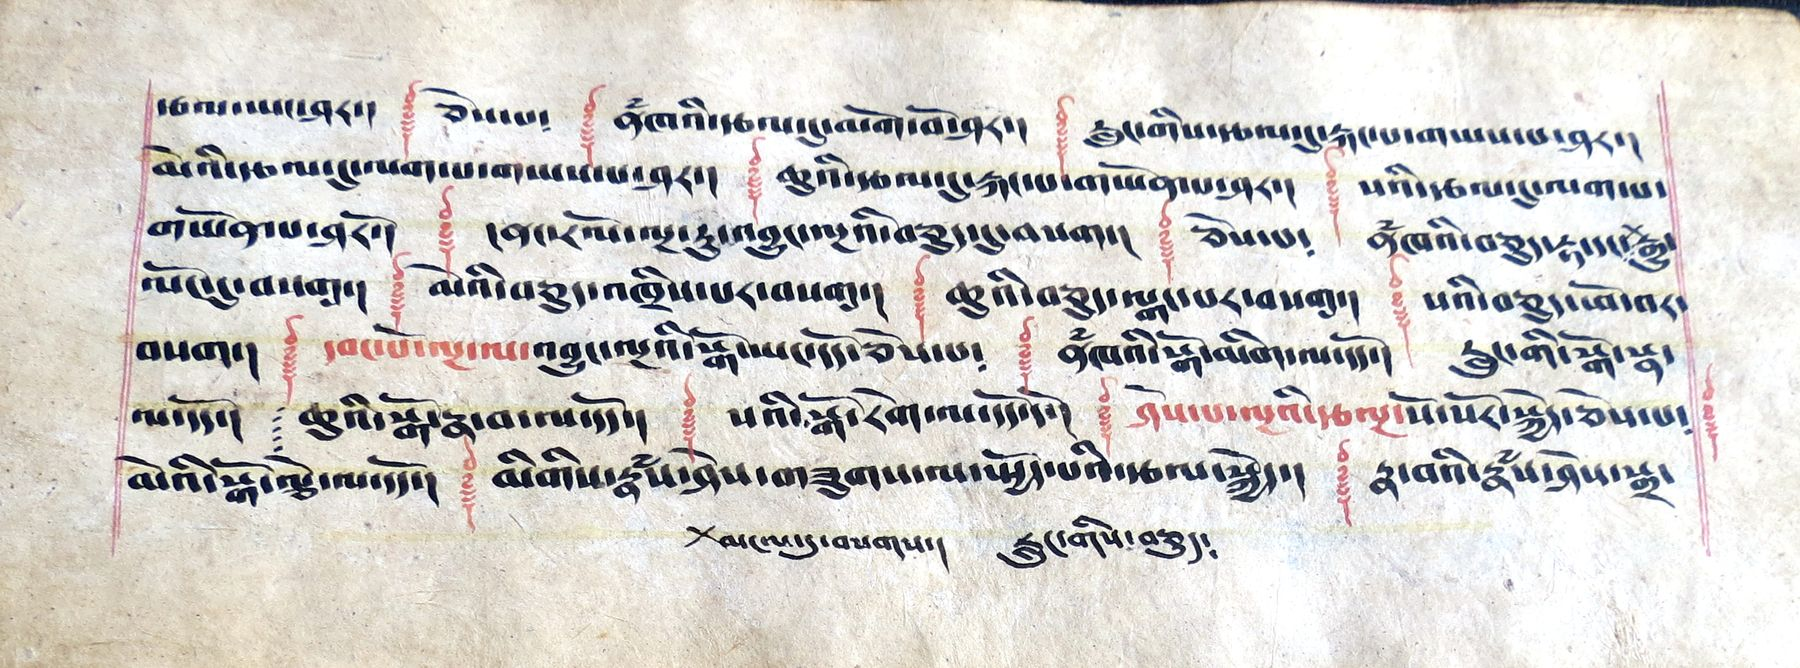རྩལ་ཡང་ཤར། །ཅེས་པས་ནམ་མཁའི་རྩལ་དུ་མགོ་བོ་ཤར། རླུང་གི་རྩལ་དུ་རྐང་བ་གཡས་པ་ཤར། 
མེའི་རྩལ་ལག་པ་གཡས་པ་ཤར། ཆུའི་རྩལ་རྐང་པ་གཡོན་པ་ཤར། སའི་རྩལ་ལག་པ་
གཡོན་པ་ཤར་རོ། །ནང་གྲོལ་ལྔ་རུ་འབྱུང་ལྔའི་བཅུད་དུ་བསགས། །ཞེས་པས་། ནམ་མཁའི་བཅུད་སྟ་དང་མངལ་
ལམ་དུ་བསགས། རླུང་གི་བཅུད་རྒྱུ་ལོང་དུ་བསགས། མེའི་བཅུད་མཁྲིས་པར་བསགས། ཆུའི་བཅུད་ལྒང་པར་བསགས། སའི་བཅུད་ཕོ་བར་
བསགས། དབང་པོ་ལྔ་ལ་འབྱུང་ལྔའི་སྒོ་ཡང་དོད། །ཅེས་པས། ནམ་མཁའི་སྒོ་མིག་ལ་དོད། རླུང་གི་སྒོ་སྣ་
ལ་དོད། མེའི་ཆུའི་སྒོ་རྣ་བ་ལ་དོད། སའི་སྒོ་རེག་ལ་དོད་དོ། །ཤེས་པ་ལྔའི་རྩལ་ལྔ་སོ་སོར་བསྐྱེད། །ཅེས་པས་
མེའི་སྒོ་ལྕེ་ལ་དོད། མིག་གི་རྣམ་ཤེས་གཟུགས་ལ་སྤྱོད་པའི་རྩལ་བསྐྱེད། རྣ་བའི་རྣམ་ཤེས་སྒྲ་
 མངལ་དུ་བསགས། ལྷུང་གསེ་བཅུ།